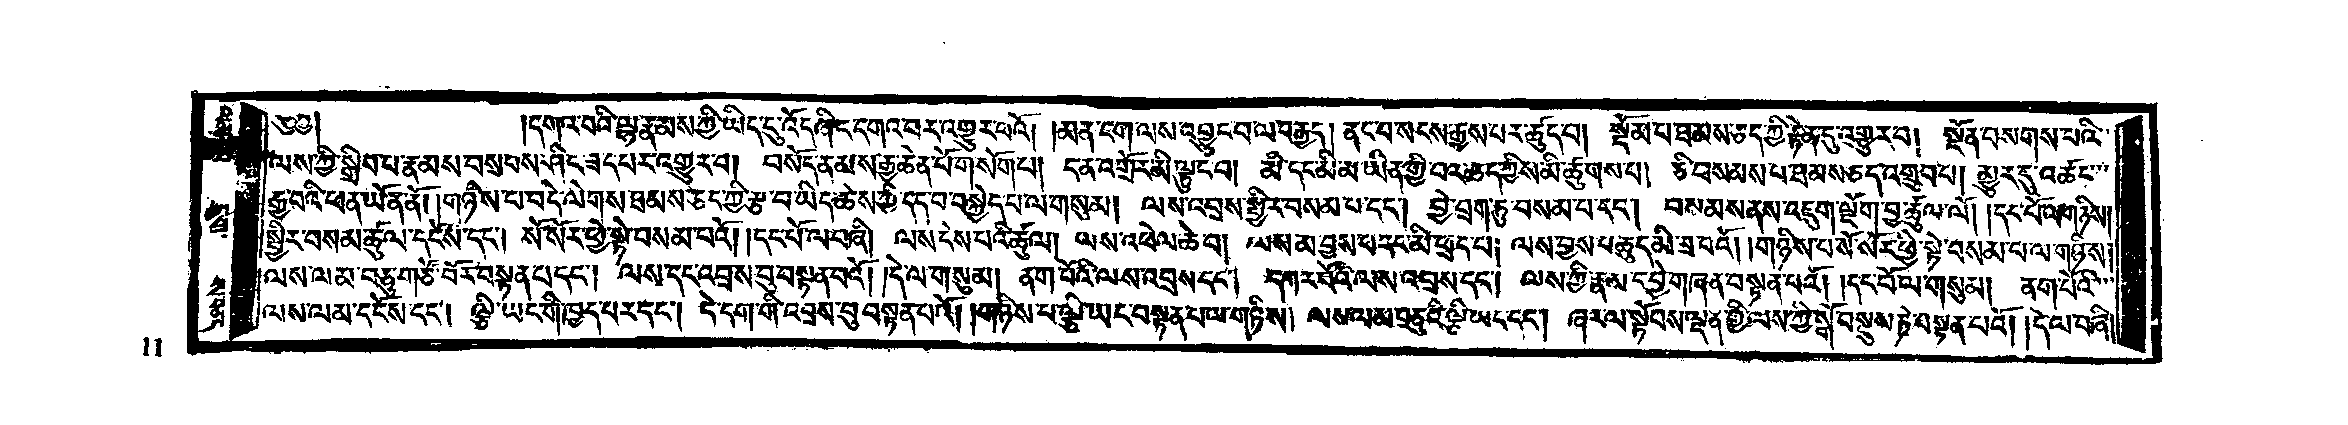༄༅། །དགའ་བའི་ལྷ་རྣམས་ཀྱི་ཡིད་དུ་འོད་ཞིང་དགའ་བར་འགྱུར་བའོ། །མན་ངག་ལས་འབྱུང་བ་ལ་བརྒྱད། ནང་པ་སངས་རྒྱས་པར་ཚུད་པ། སྡོམ་པ་ཐམས་ཅད་ཀྱི་རྟེན་དུ་འགྱུར་བ། སྔོན་བསགས་པའི་
ལས་ཀྱི་སྒྲིབ་པ་རྣམས་བསྲབས་ཤིང་ཟད་པར་འགྱུར་བ། བསོད་ནམས་རྒྱ་ཆེན་པོ་གསོག་པ། དན་འགྲོར་མི་ལྟུང་བ། མི་དང་མི་མ་ཡིན་གྱི་བར་ཆད་ཀྱིས་མི་ཚུགས་པ། ཅི་བསམས་པ་ཐམས་ཅད་འགྲུབ་པ། མྱུར་དུ་འཚང་
རྒྱ་བའི་ཕན་ཡོན་ནོ། །གཉིས་པ་བདེ་ལེགས་ཐམས་ཅད་ཀྱི་རྩ་བ་ཡིད་ཆེས་ཀྱི་དད་བ་བསྐྱེད་པ་ལ་གསུམ། ལས་འབྲས་སྤྱིར་བསམ་པ་དང་། བྱེ་བྲག་ཏུ་བསམ་པ་དང་། བསམས་ནས་འཇུག་ལྔོག་བྱ་ཚུལ་ལོ། །དང་པོ་ལ་གཉིས།
སྦྱིར་བསམ་ཚུལ་དངོས་དང་། སོ་སོར་ཕྱེ་སྟེ་བསམ་པའོ། །དང་པོ་ལ་བཞི། ལས་ངེས་པའི་ཚུལ། ལས་འཕེལ་ཆེ་བ། ལས་མ་བྱས་པ་དང་མི་ཕྲད་པ། ལས་བྱས་པ་ཆུད་མི་ཟ་བའོ། །གཉིས་པ་སོ་སོར་ཕྱི་སྟེ་བསམ་པ་ལ་གཉིས།
ལས་ལམ་བཅུ་གཙོ་བོར་བསྟན་པ་དང་། ལས་དང་འབྲས་བུ་བསྟན་པའོ། །དེ་ལ་གསུམ། ནག་པོའི་ལས་འབྲས་དང་། དཀར་པོའི་ལས་འབྲས་དང་། ལས་ཀྱི་རྣམ་དབྱེ་གཞན་བསྟན་པའོ། །དང་པོ་ལ་གསུམ། ནག་པོའི་
ལས་ལམ་དངོས་དང་། ལྕི་ཡང་གི་ཁྱད་པར་དང་། དེ་དག་གི་འབྲས་བུ་བསྟན་པའོ། །གཉིས་པ་ལྕི་ཡང་བསྟན་པ་ལ་གཉིས། ལས་ལམ་བཅུའི་ལྕི་ཡང་དང་། ཞར་ལ་སྟོབས་ལྡན་གྱི་ལས་ཀྱི་སྒོ་བསྡུས་ཏེ་བསྟན་པའོ། །དེ་ལ་བཞི།